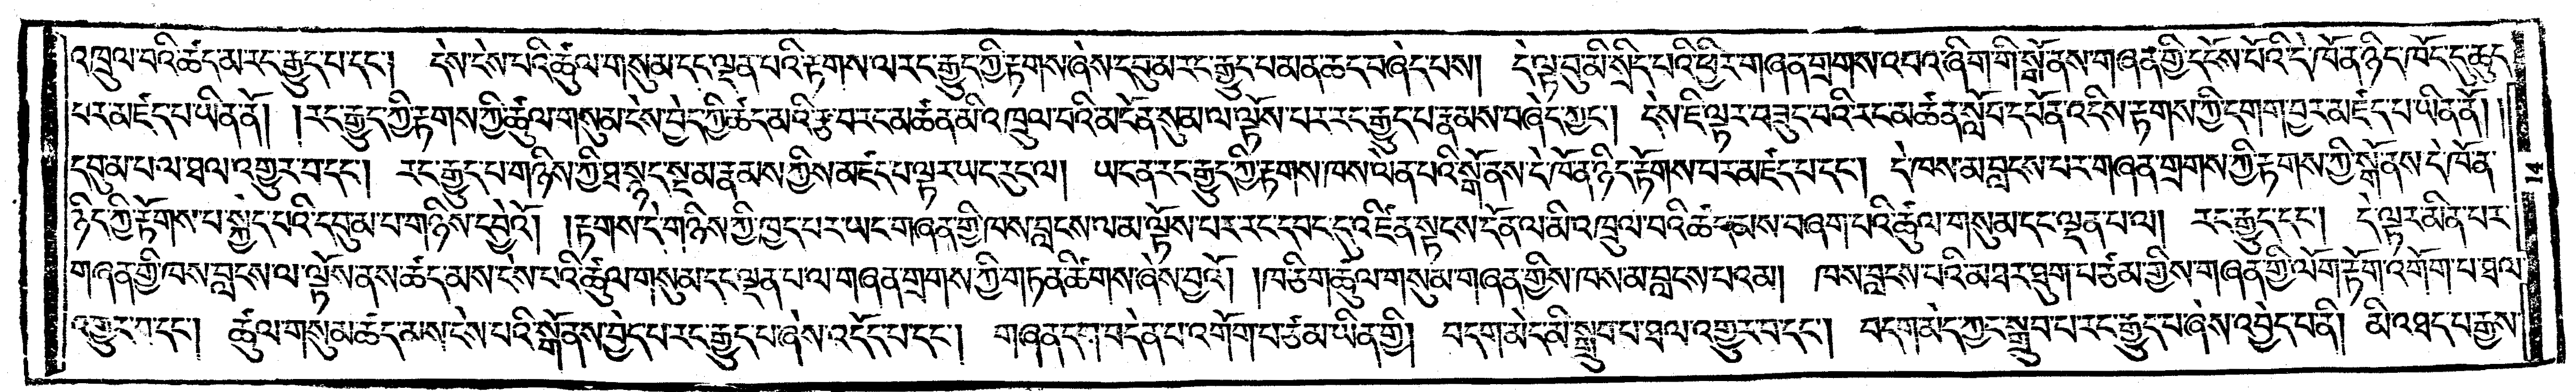འཁྲུལ་བའི་ཚད་མ་རང་རྒྱུད་པ་དང་། དེས་ངེས་པའི་ཚུལ་གསུམ་དང་ལྡན་པའི་རྟགས་ལ་རང་རྒྱུད་ཀྱི་རྟགས་ཞེས་དབུ་མ་རང་རྒྱུད་པ་མན་ཆད་བཞེད་པས། དེ་ལྟ་བུ་མི་སྲིད་པའི་ཕྱིར་གཞན་གྲགས་འབའ་ཞིག་གི་སྒོ་ནས་གཞན་གྱི་དངོས་པོའི་དེ་ཁོ་ན་ཉིད་ཁོང་དུ་ཆུད་
པར་མཛད་པ་ཡིན་ནོ། །རང་རྒྱུད་ཀྱི་རྟགས་ཀྱི་ཚུལ་གསུམ་ངེས་བྱེད་ཀྱི་ཚད་མའི་རྩ་བ་རང་མཚན་མི་འཁྲུལ་བའི་མངོན་སུམ་ལ་ལྟོས་པར་རང་རྒྱུད་པ་རྣམས་བཞེད་ཀྱང་། དེས་ཇི་ལྟར་བཟུང་བའི་རང་མཚན་སློབ་དཔོན་འདིས་རྟགས་ཀྱི་དགག་བྱར་མཛད་པ་ཡིན་ནོ། །
དབུ་མ་པ་ལ་ཐལ་འགྱུར་བ་དང་། རང་རྒྱུད་པ་གཉིས་ཀྱི་ཐ་སྙད་སྔ་མ་རྣམས་ཀྱིས་མཛད་པ་ལྟར་ཡང་རུང་ལ། ཡང་ན་རང་རྒྱུད་ཀྱི་རྟགས་ཁས་ལེན་པའི་སྒོ་ནས་དེ་ཁོ་ན་ཉིད་རྟོགས་པར་མཛད་པ་དང་། དེ་ཁས་མ་བླངས་པར་གཞན་གྲགས་ཀྱི་རྟགས་ཀྱི་སྒོ་ནས་དེ་ཁོ་ན་
ཉིད་ཀྱི་རྟོགས་པ་སྐྱེད་པའི་དབུ་མ་པ་གཉིས་དབྱེའོ། །རྟགས་དེ་གཉིས་ཀྱི་ཁྱད་པར་ཡང་གཞན་གྱི་ཁས་བླངས་ལ་མ་ལྟོས་པར་རང་དབང་དུ་འཛིན་སྟངས་དོན་ལ་མི་འཁྲུལ་བའི་ཚད་མས་བཞག་པའི་ཚུལ་གསུམ་དང་ལྡན་པ་ལ། རང་རྒྱུད་དང་། དེ་ལྟར་མིན་པར་
གཞན་གྱི་ཁས་བླངས་ལ་ལྟོས་ནས་ཚད་མས་ངེས་པའི་ཚུལ་གསུམ་དང་ལྡན་པ་ལ་གཞན་གྲགས་ཀྱི་གཏན་ཚིགས་ཞེས་བྱའོ། །ཁ་ཅིག་ཚུལ་གསུམ་གཞན་གྱིས་ཁས་མ་བླངས་པའམ། ཁས་བླངས་པའི་མཐར་ཐུག་པ་ཙམ་གྱིས་གཞན་གྱི་ལོག་རྟོག་འགོག་པ་ཐལ་
འགྱུར་བ་དང་། ཚུལ་གསུམ་ཚད་མས་ངེས་པའི་སྒོ་ནས་བྱེད་པ་རང་རྒྱུད་པ་ཞེས་འདོད་པ་དང་། གཞན་དག་བདེན་པ་འགོག་པ་ཙམ་ཡིན་གྱི། བདག་མེད་མི་སྒྲུབ་པ་ཐལ་འགྱུར་བ་དང་། བདག་མེད་ཀྱང་སྒྲུབ་པ་རང་རྒྱུད་པ་ཞེས་འབྱེད་པ་ནི། མི་འཐད་པ་རྒྱས་